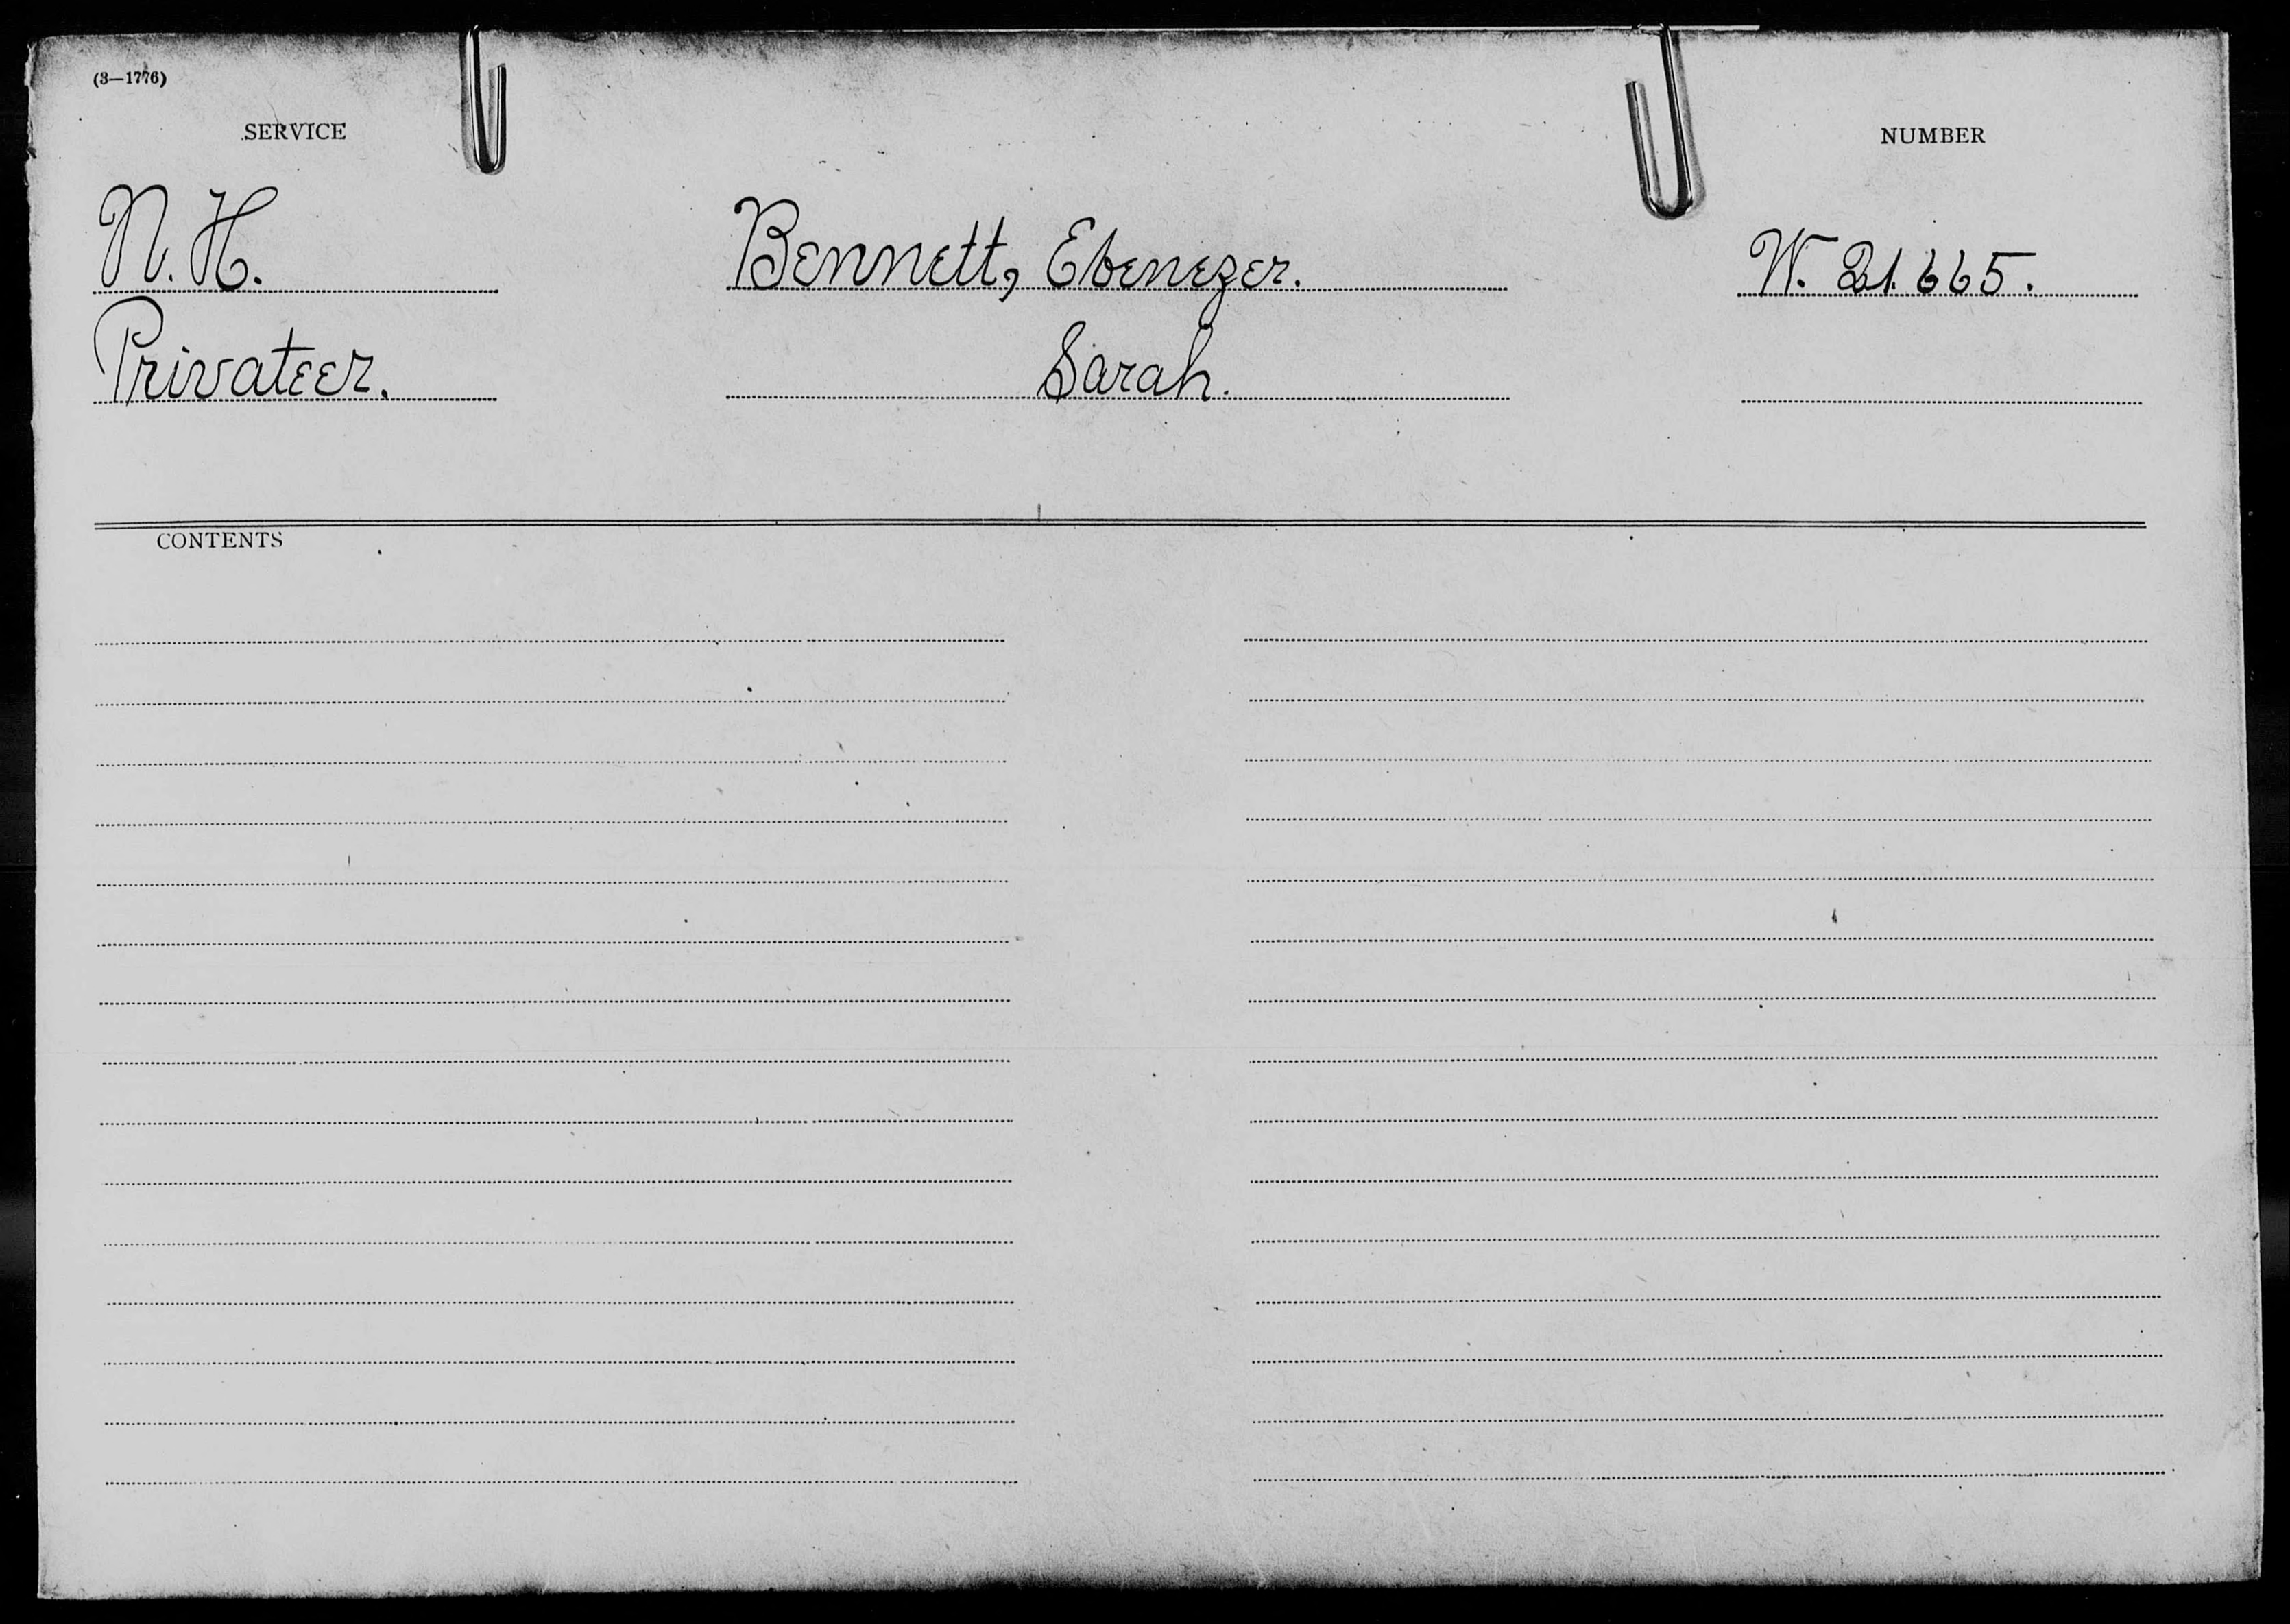N.H. Privateer
Bennett, Ebenzer
Sarah
W. 21665.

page: 1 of 43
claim: widow's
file: W. 21665, Ebenezer Bennett, N. H. Privateer.